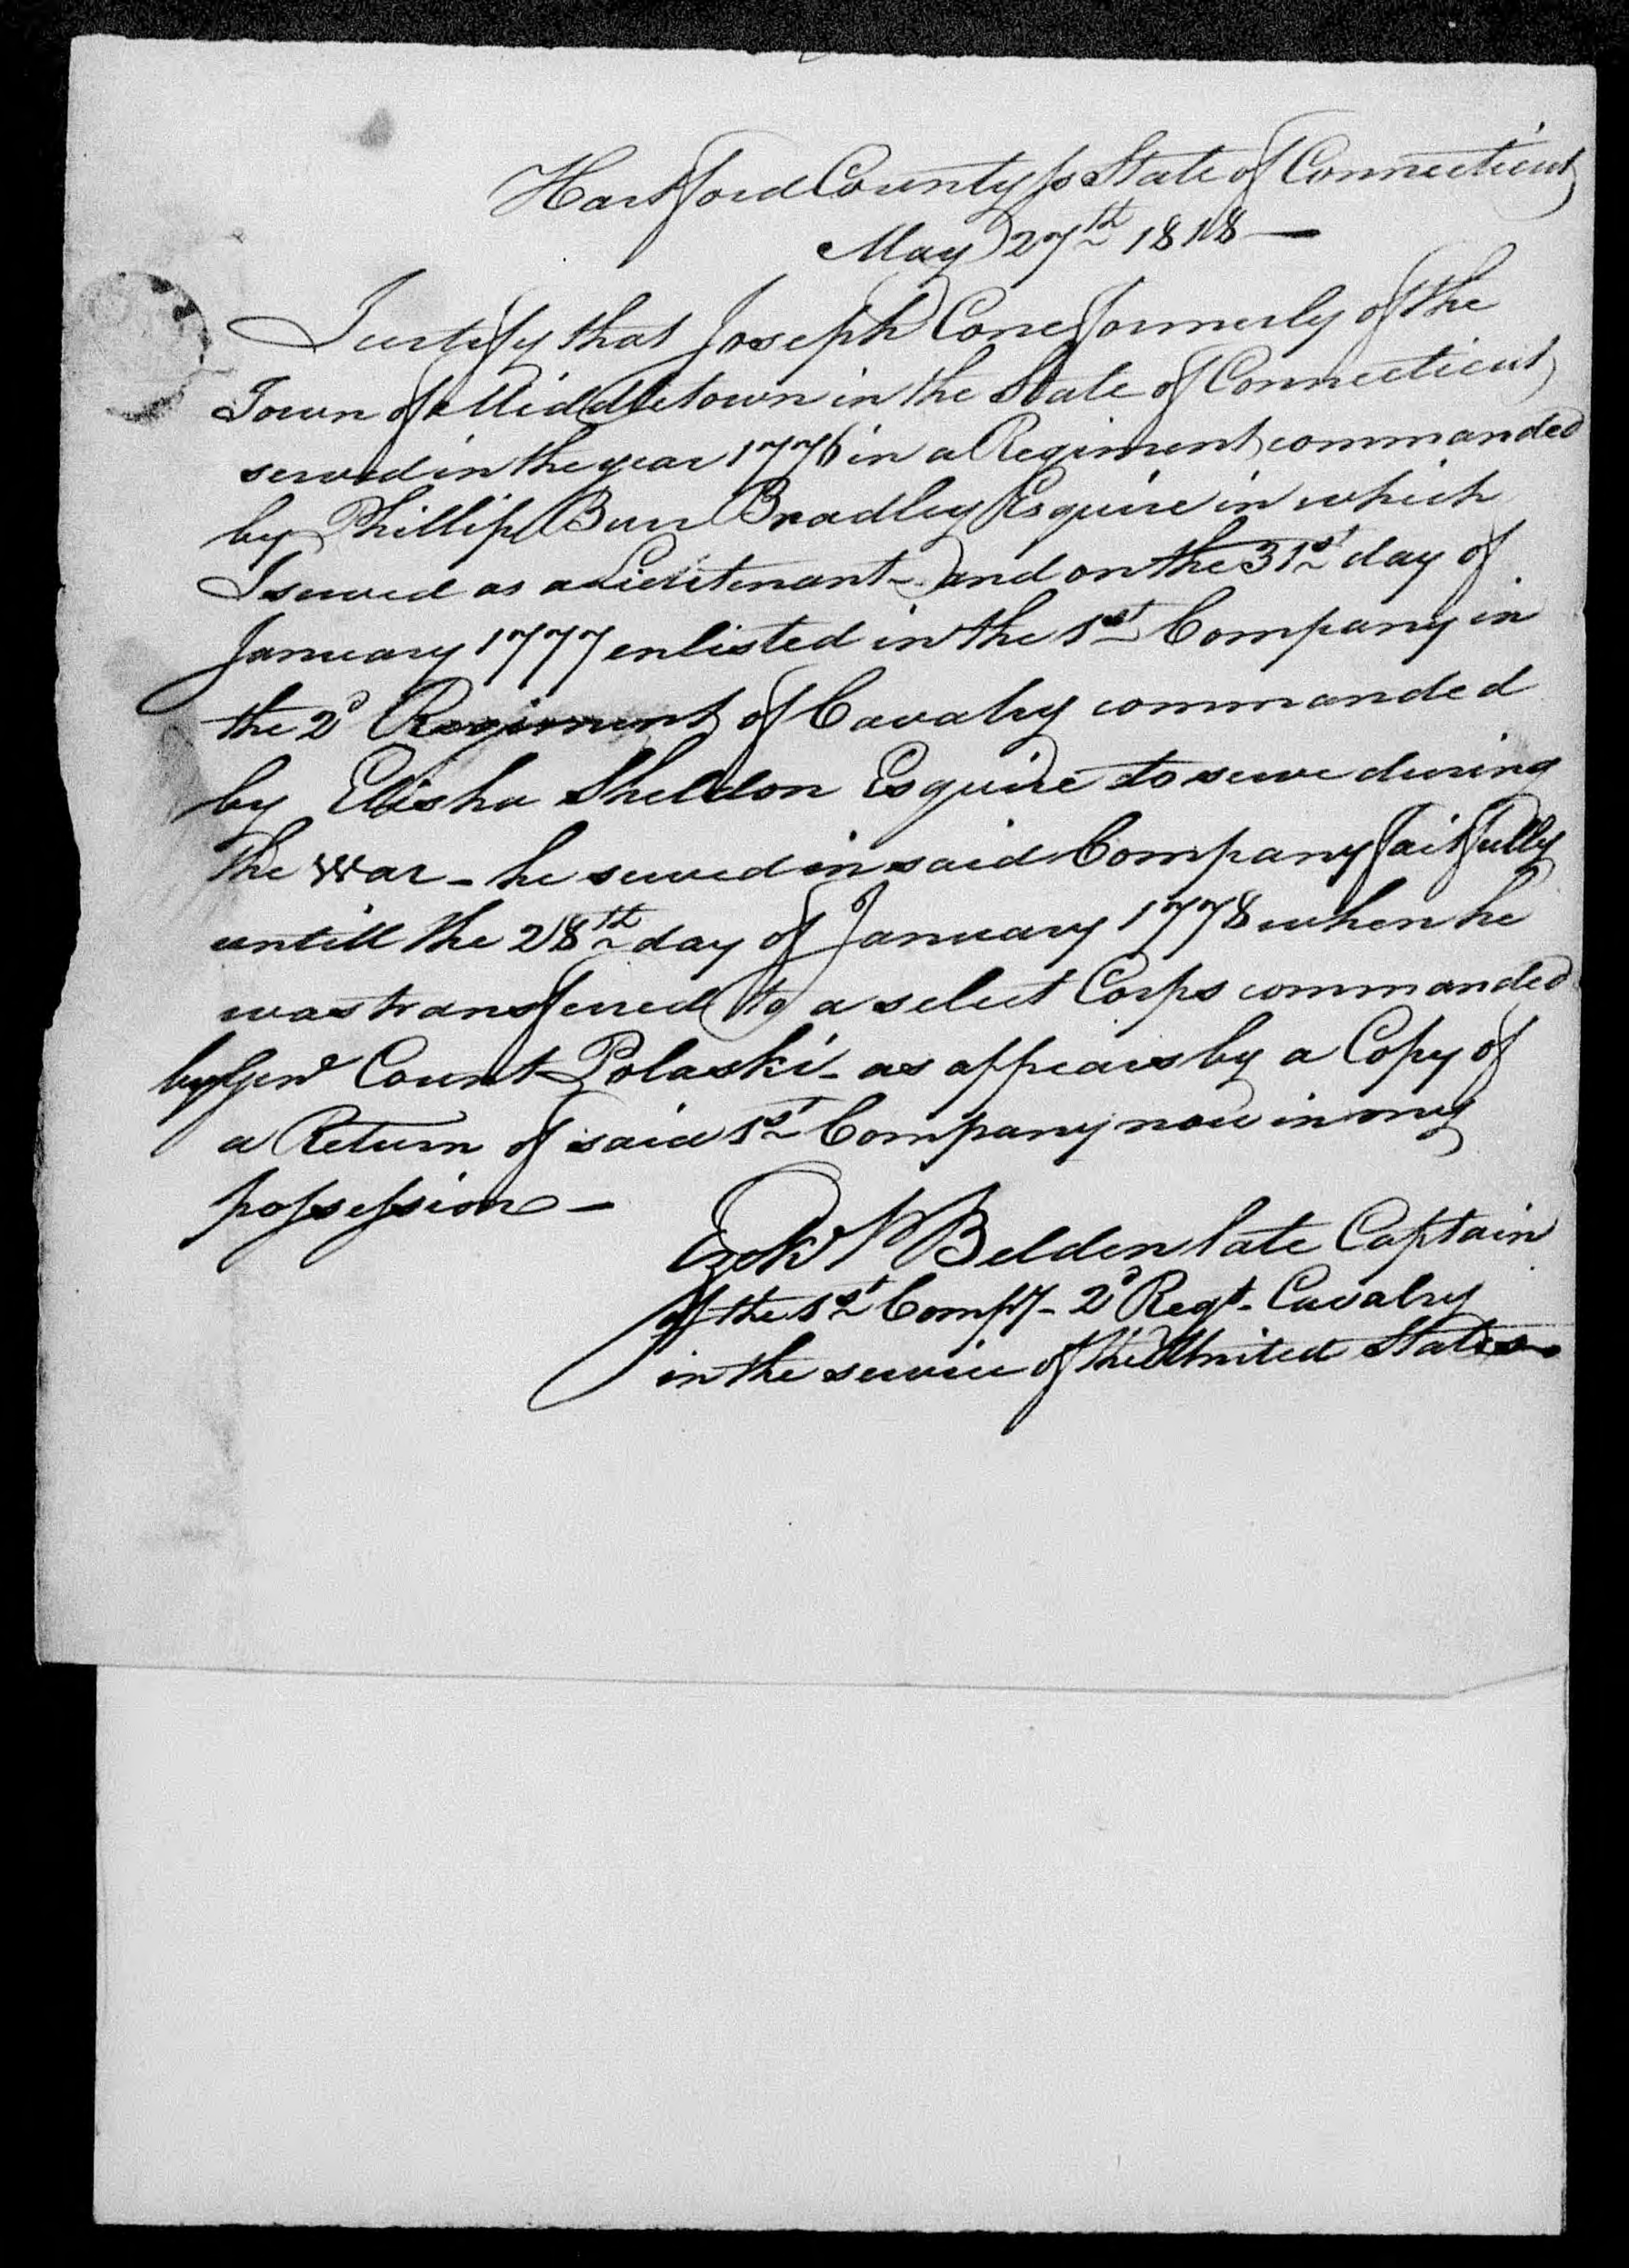Hartford County Ss State of Connecticut
May 27th 1818-

I certify that Joseph Cone formerly of the Town of Middletown in the State of Connecticut served in the year 1776 in a Regiment commanded by Phillip Burr Bradley Esquire in which I served as a Lieutenant - and on the 31st day of January 1777 enlisted in the 1st Company in the 2nd Regiment of Cavalry commanded by Elisha Sheldon Esquire to serve during the War - he served in said Company faithfully untill the 28th day of January 1778 when he was transferred to a select Corps commanded by Genl Count Polaski - as appears by a Copy of a Return of said 1st Company now in my possession -
Ezek P Belden late Captain of the 1st Compy - 2d Regt. Cavalry in the service of the United States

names: Joseph Cone, Elisha Sheldon, Phillip Burr Bradley, Ezek P Belden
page: 21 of 28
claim: survivor's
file: S. 12569, Joseph Cone, Conn Continental